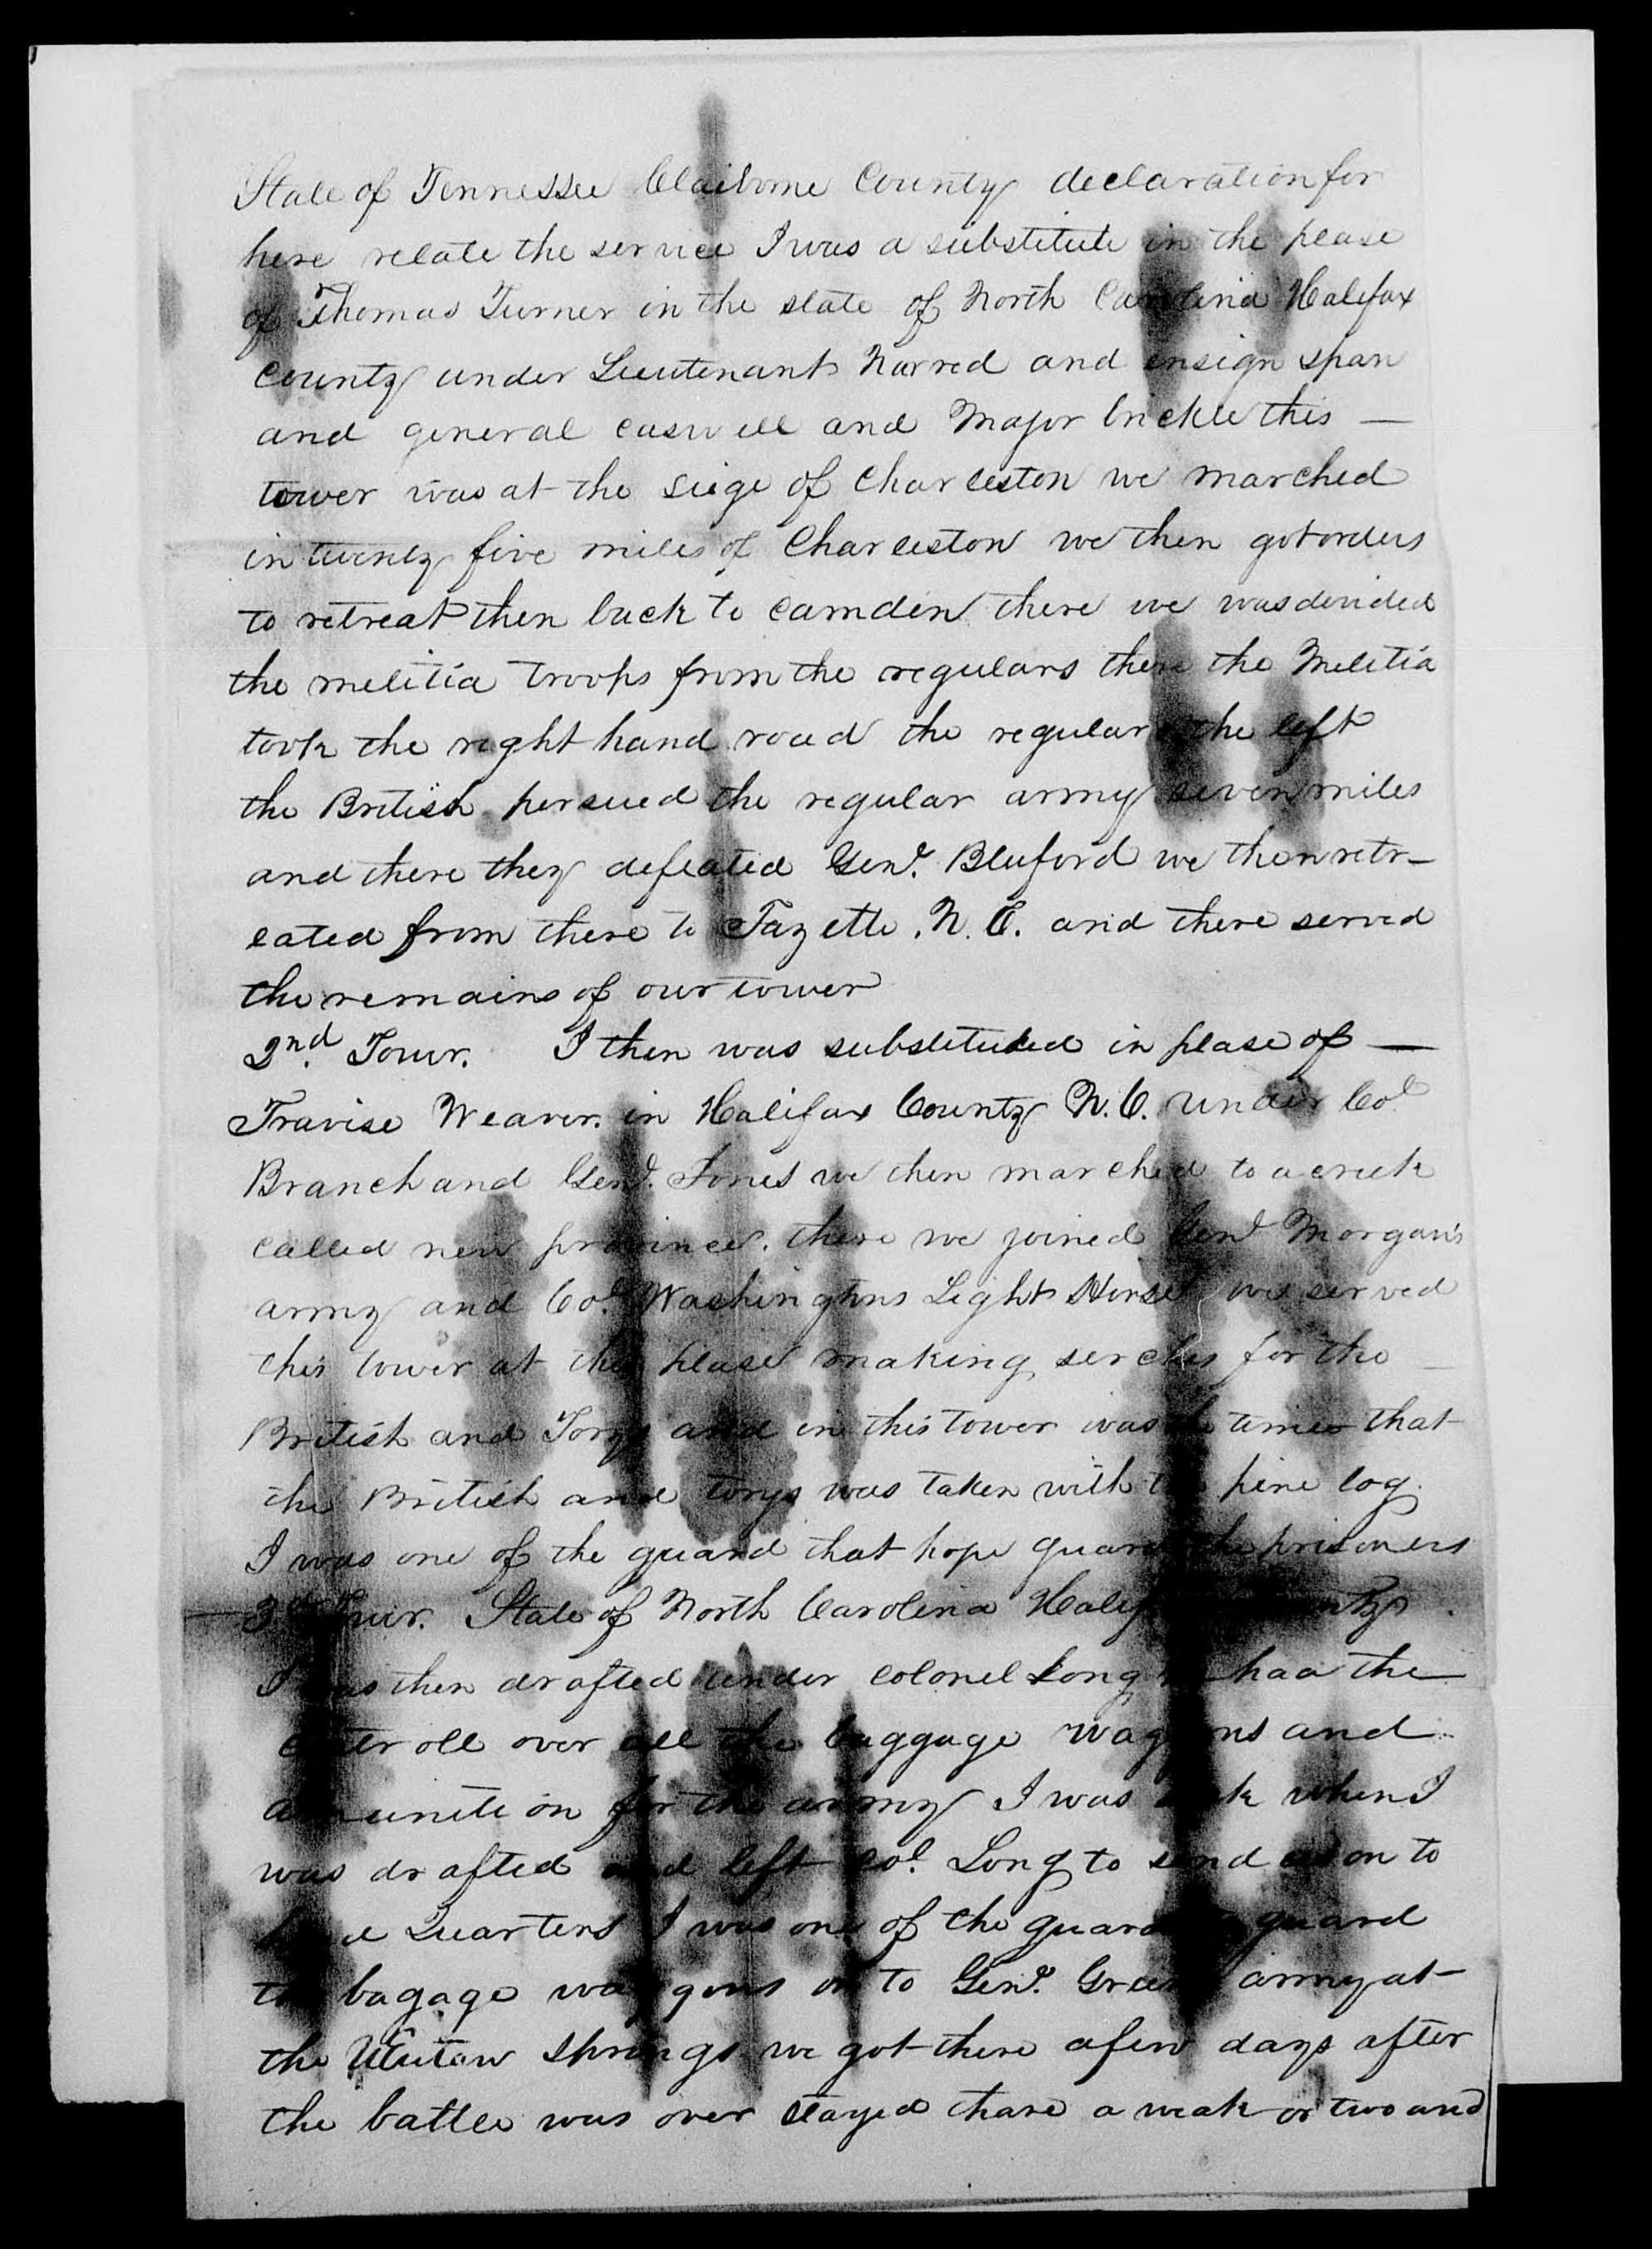State of Tennessee Claiborne County declaration for
have relate the service I was a substitute in the place
of Thomas Turner in the State of North Carolina Halifax
County under Lieutenant Narred and
ensign span
and general Caswell and Major brickle this
---
tower [tour] was at the siege of Charleston we marched
in twenty five miles of Charleston we then got orders
to retreat then back to Camden there we was divided
the militia troops from the regulars there the Militia
took the right hand road the regular
the left
the British pursued the regular army seven miles
and there they defeated Genl Bluford we then retr-
eated [retreated] from there to Fayette, N.C. and there served
the remains of our tower [tour]
2nd Tour. I then was substituted in place of
Travise Weaver in Halifax County N.C. Under Col
Branch and Genl Fories we then marched to a creek
called new province [providence] there we joined Genl Morgan's
army and Col Washingtons Light Horse we served
this tower [tour] at the place making serches [searches] for the
British and Torys and in this tower was the times that
the British and Torys was taken with the pine log.
I was one of the guard that hope [help] guard the prisoners
3rd Tour. State of North Carolina Halifax County
I was then drafted under Colonel Long had the
controll [control] over all the baggage wagons and
reunite on for the army I was [illegible] when I
was drafted and left Col Long to send [illegible] on to
have Quarters I was one of the guards [illegible] and
the baggage waggons on to Genl Greene army at
the Eutaw Springs we got there a few days after
the battle was over stayed there a weak or two and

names: Thomas Turner, Caswell, Fories, Long, Brickle, Narred, Long, Bluford, Travise Weaver, Branch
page: 53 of 81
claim: survivor's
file: S. 1908, Richard Harper, N.C.